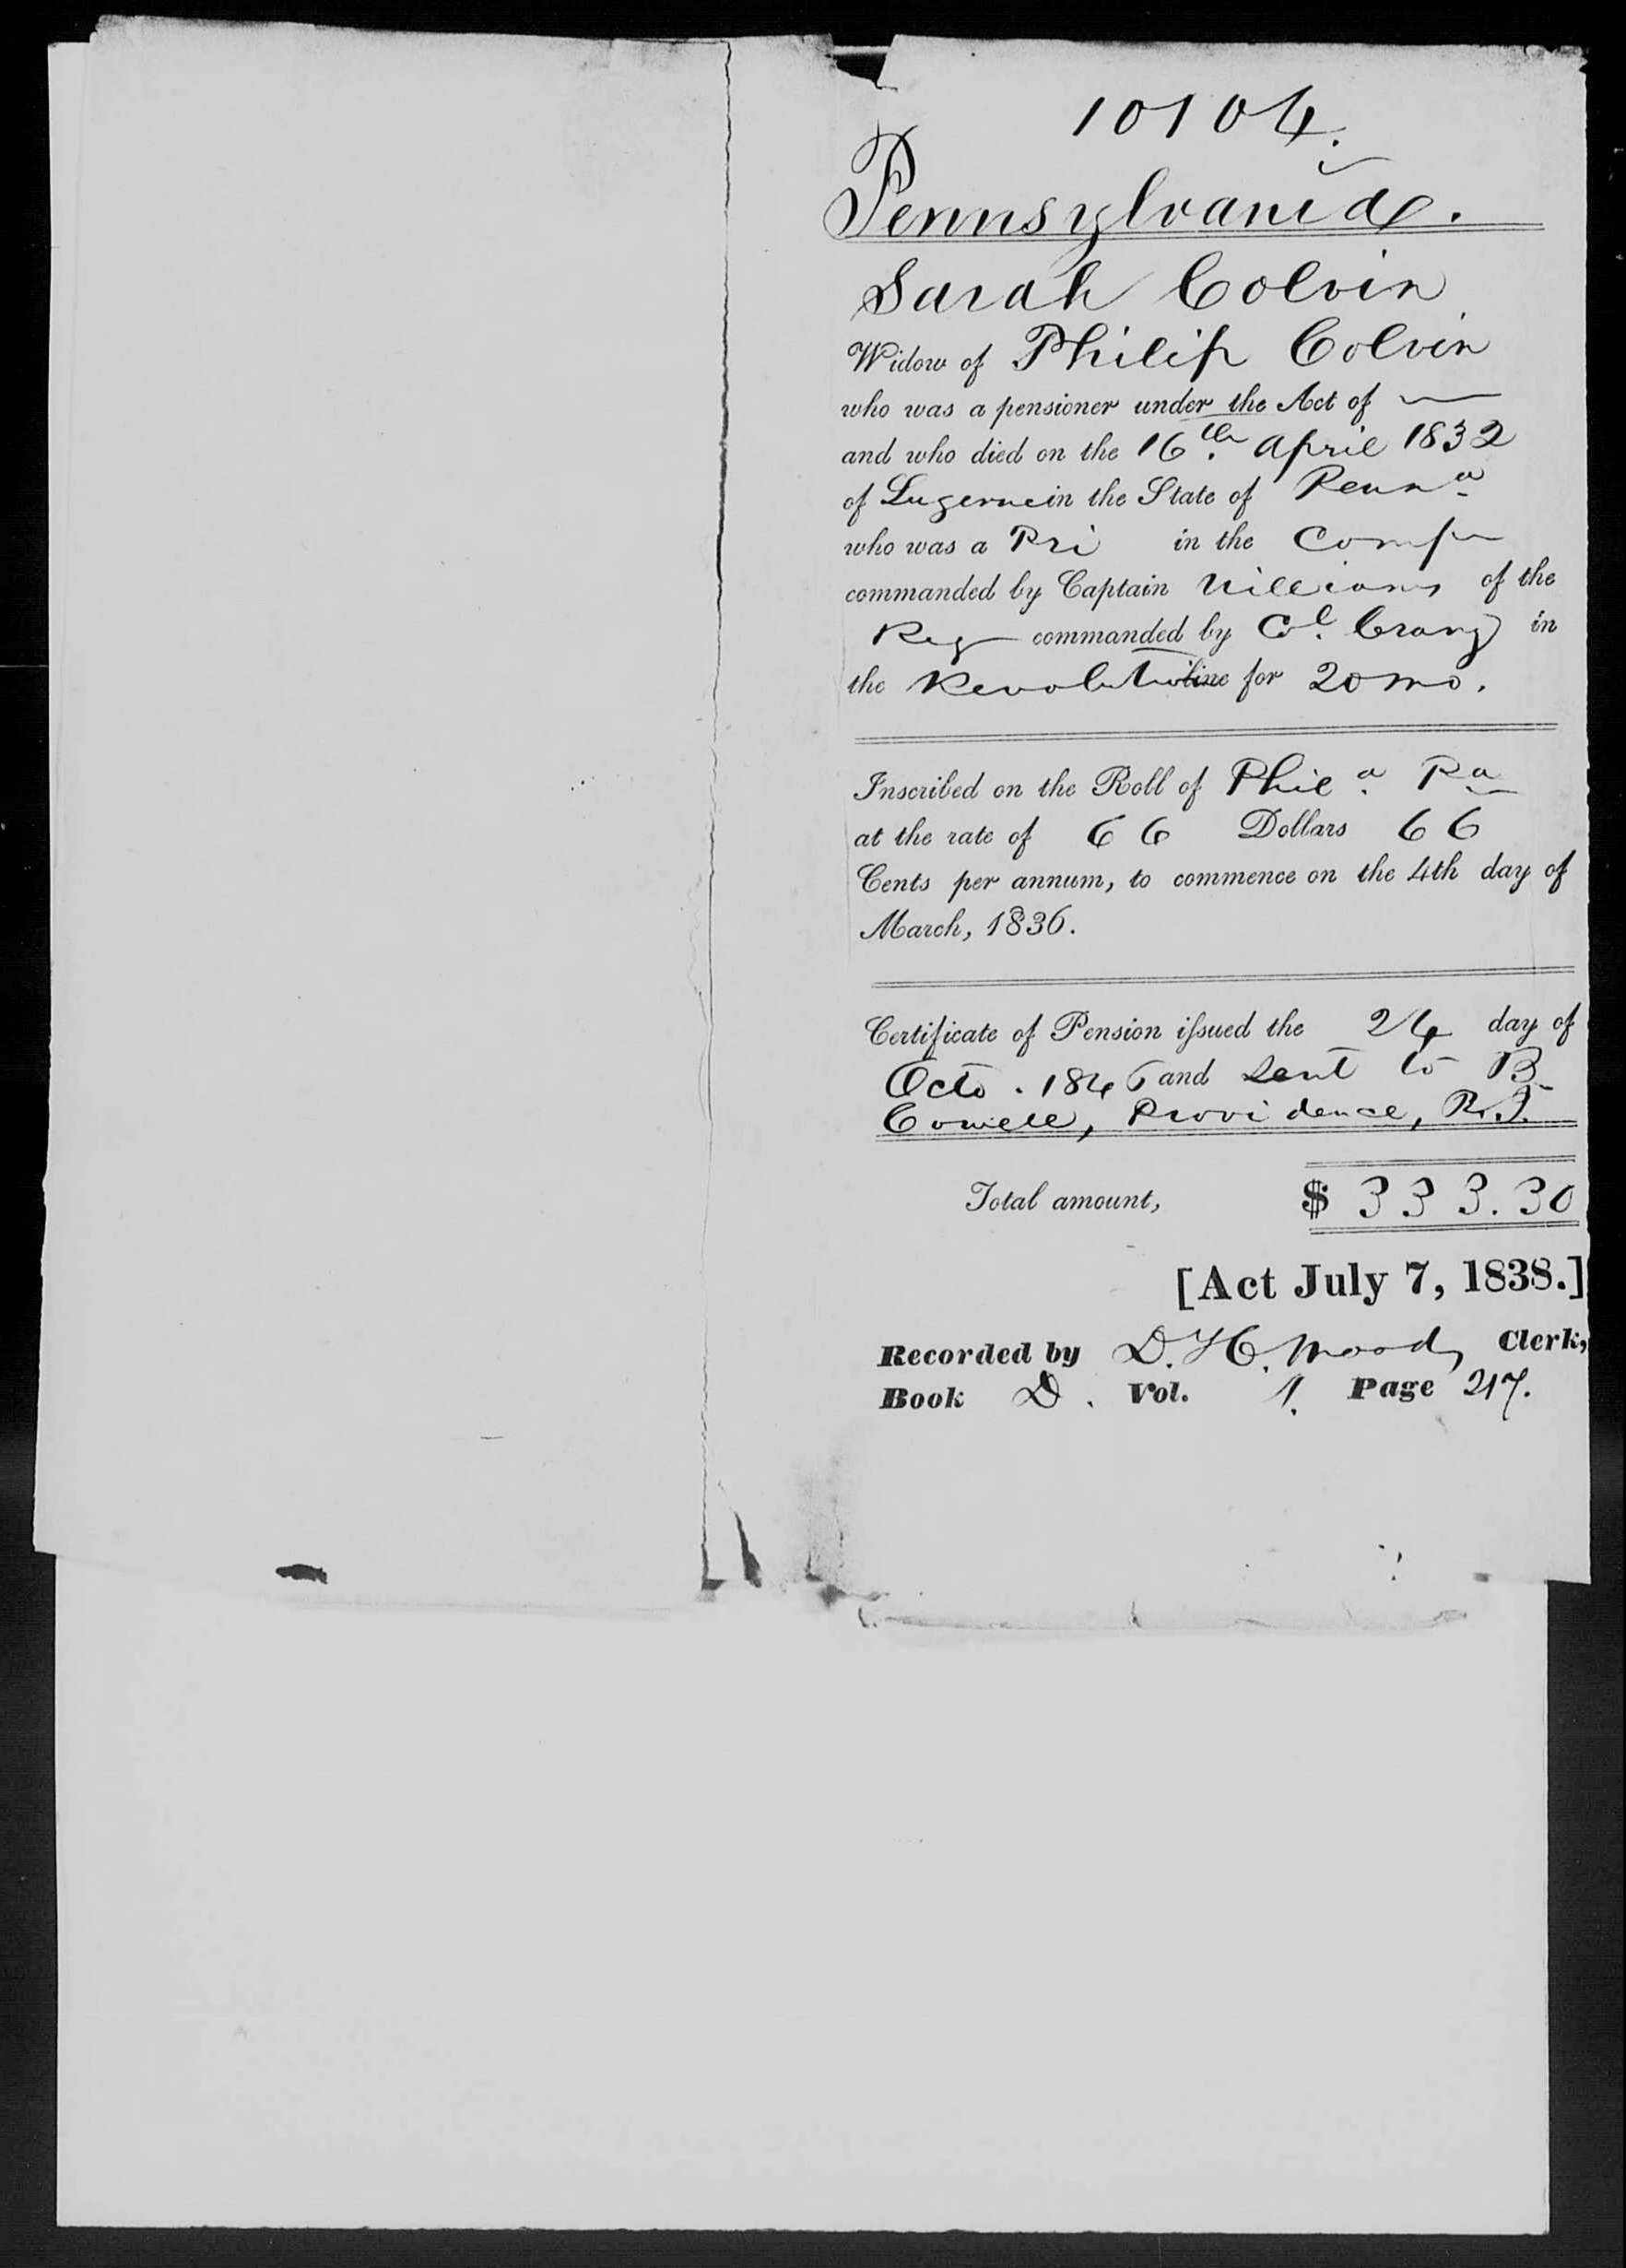10104
Pennsylvania
Sarah Colvin Widow of Philip Colvin who was a pensioner under the Act of ____ and who died on the 16th April 1832 of Luzerne in the State of Penna. who was a pri. in the comp commanded by Captain Williams of the Reg commanded by Col. Crary in the Revolution for 20 mo.

Inscribed on the Roll of Phila. Pa. at the rate of 66 Dollars 66 Cents per annum, to commence on the 4th day of March, 1836.

Certificate of Pension issued the 24 day of Oct. 1846 and sent to B. Cowell, Providence, R.I.

Total amount, $333.30
[Act July 7, 1838.]
Recorded by  D.H. Wood, clerk,
Book D. Vol. 1 Page 47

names: Crary, B Cowell, Williams, Sarah Colvin, D H Wood, Philip Colvin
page: 22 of 41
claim: widow's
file: W. 3513, Philip Colvin, R.I.